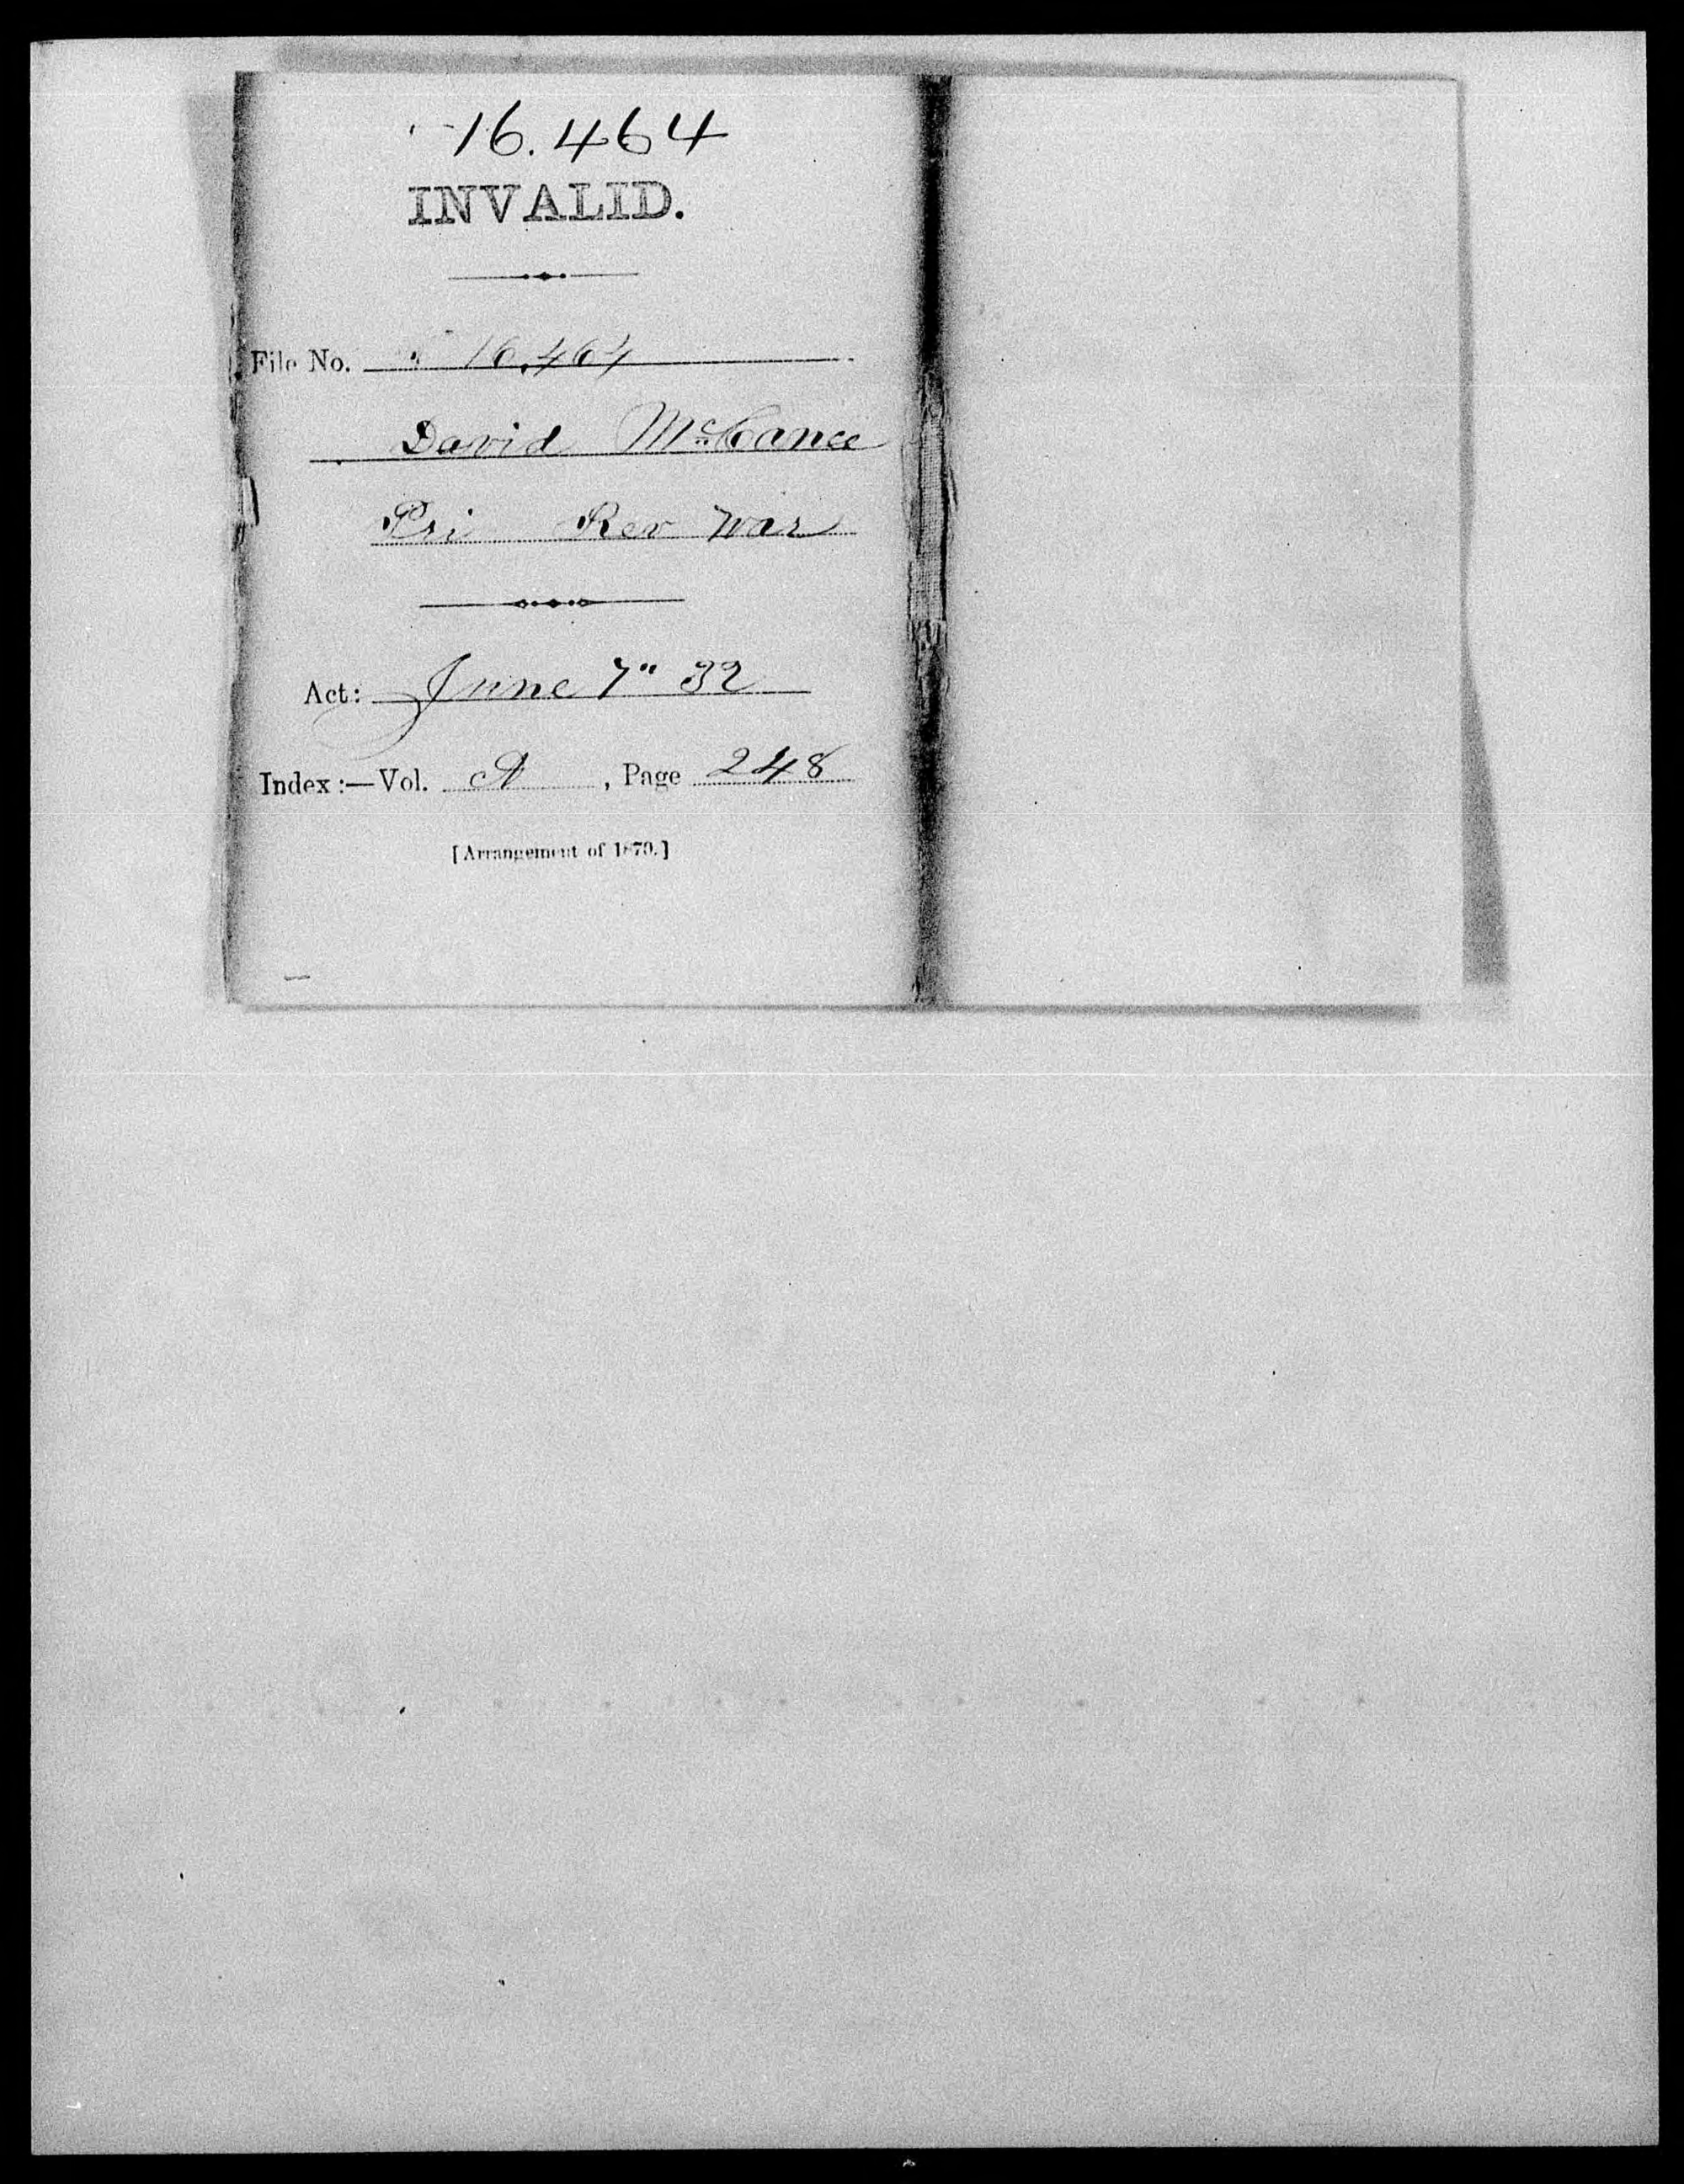16.464
INVALID.
File No. 16.464
David McCance
Pri Rev War
Act: June 7"" 32
Index: -- Vol. A, Page 248
[Arrangement of 1870.]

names: David Mc Cance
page: 13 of 13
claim: survivor's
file: S. 16464, for David Mc Cance, South Carolina